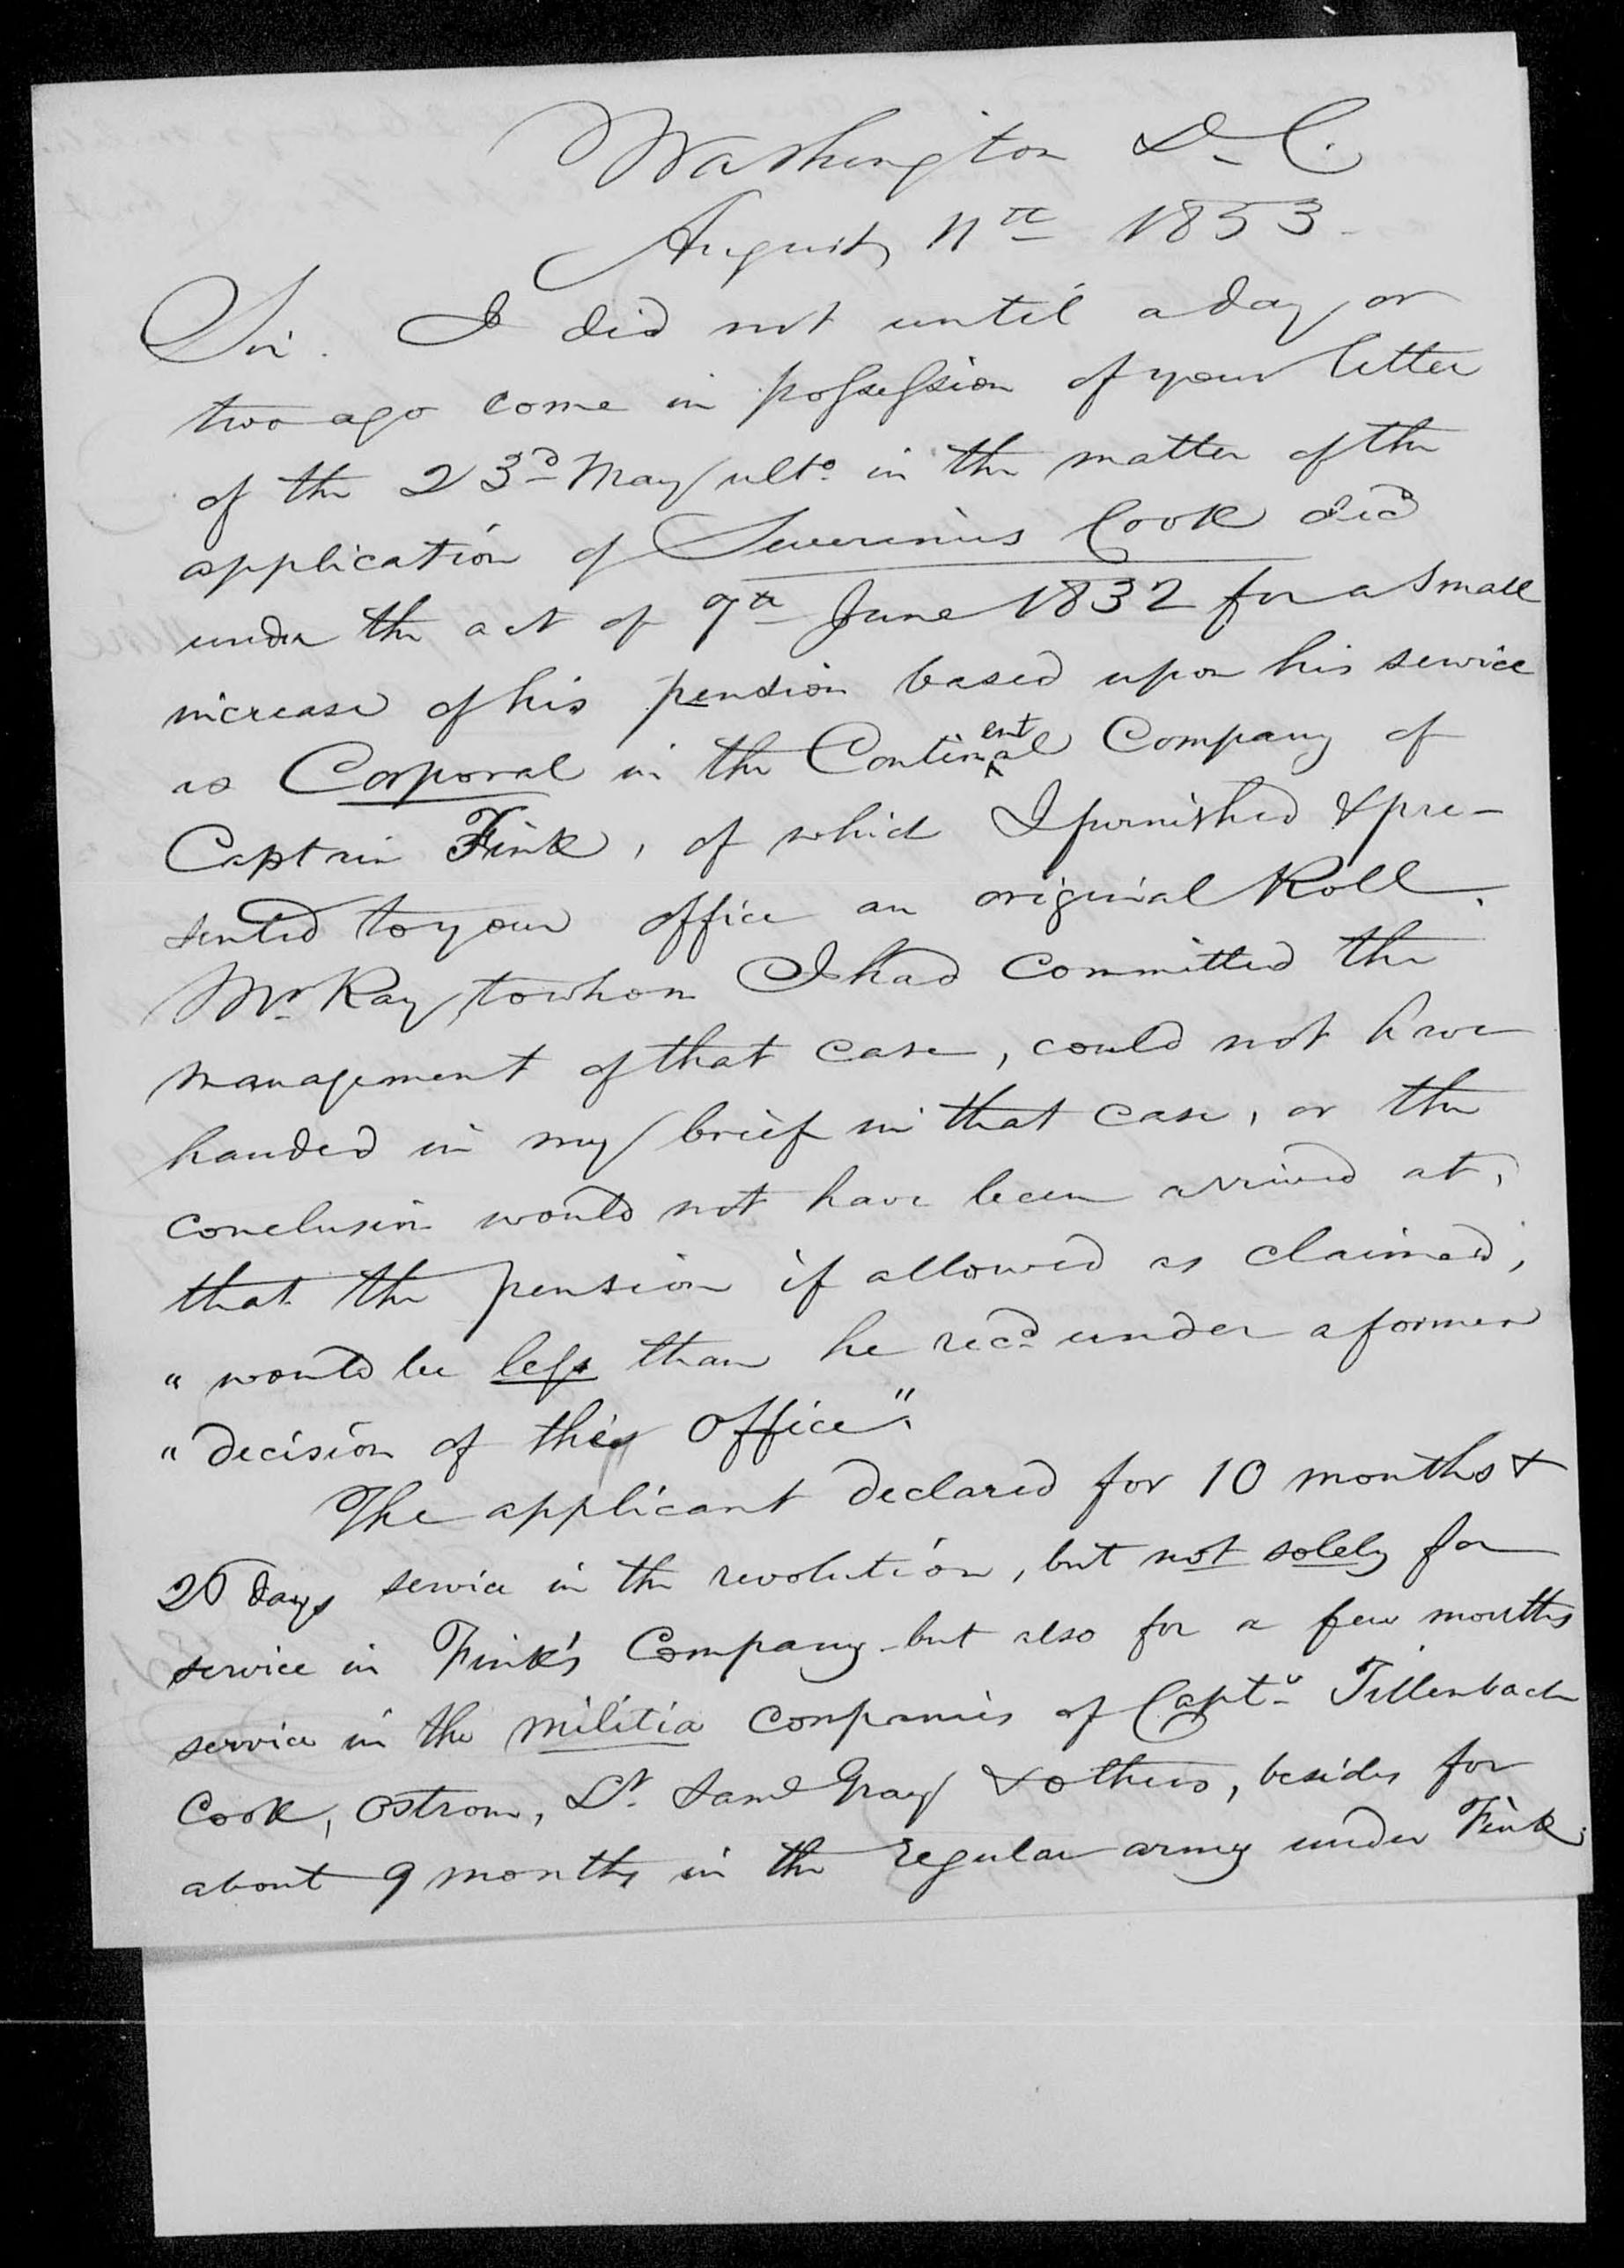Washington D.C.
August 11th 1853-

Sir. I did not until a day or two ago come in possession of your letter of the 23d May ulto in the matter of the application of Severinus Cook did under the act of 7th June 1832 for a small increase of his pension based upon his service as Corporal in the Continental Company of Captain Fink, of which I furnished & presented to your office an original Roll.

Mr. Ray to whom I had committed the management of that case, could not have
handed in my brief in that case, or the
conclusion would not have been arrived at,
that the pension if allowed as claimed, "would be less than he recd under a former decision of this office."

The applicant declared for 10 months & 26 days in the revolution, but not solely for service in Fink's company but also for a few months service in the militia companies of Capt Tillerbach Cook, Ostrom, Lt Saml Gray & others, besides for about 9 months in the regular army under Fink.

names: Ray, Saml Gray, Severinus Cook, Tillenbach Cook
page: 36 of 51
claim: survivor's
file: S. 12563, Severinus Cook, New York